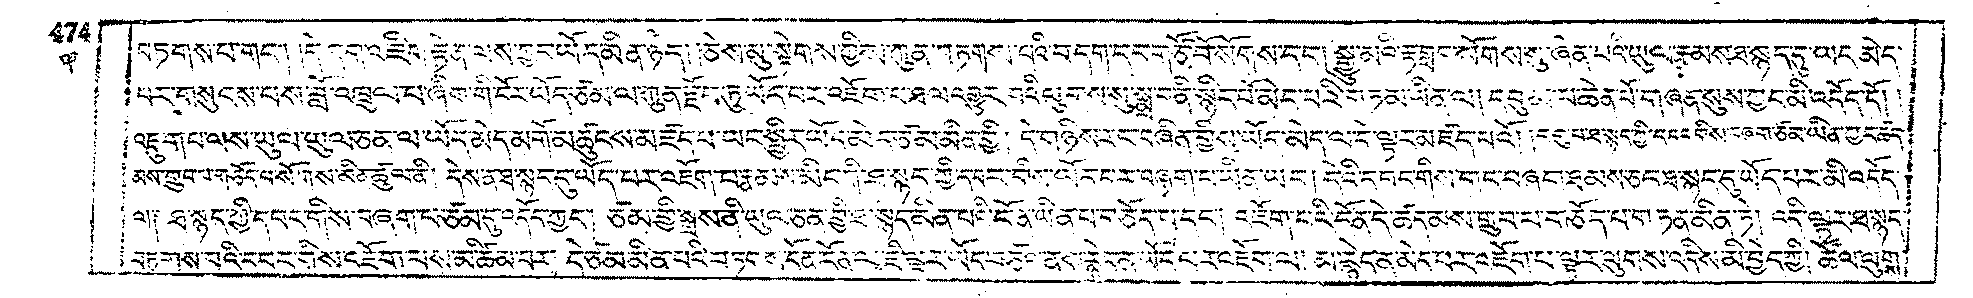བཏགས་པ་གང་། །དེ་དག་འཇིག་རྟེན་ལས་ཀྱང་ཡོད་མིན་ཉིད། །ཅེས་མུ་སྟེགས་ཀྱིས་ཀུན་བཏགས་པའི་བདག་དང་གཙོ་བོ་སོགས་དང་། སྒྱུ་མའི་རྟ་གླང་སོགས་སུ་ཞེན་པའི་ཡུལ་རྣམས་ཐ་སྙད་དུ་ཡང་མེད་
པར་གསུངས་པས་བློ་འཁྲུལ་པ་ཞིག་གི་ངོར་ཡོད་ཙམ་ལ་ཀུན་རྫོབ་ཏུ་ཡོད་པར་འཇོག་པ་ཐལ་འགྱུར་བའི་ལུགས་སུ་སྨྲ་བ་ནི་སྙིང་པོ་མེད་པའི་གཏམ་ཡིན་ལ། དབུ་མ་པ་ཆེན་པོ་གཞན་སུས་ཀྱང་མི་འདོད་དོ། །
འཇུག་པ་ལས་ཡུལ་ཡུལ་ཅན་ལ་ཡོད་མེད་མགོ་མཚུངས་མཛད་པ་ཡང་སྤྱིར་ཡོད་མེད་ཙམ་མིན་གྱི། དེ་གཉིས་རང་བཞིན་གྱིས་ཡོད་མེད་ལ་དེ་ལྟར་མཛད་པའོ། །དགུ་པ་ཐ་སྙད་ཀྱི་དབང་གིས་བཞག་ཙམ་ཡིན་ཀྱང་ཚད་
མས་གྲུབ་པ་གཅོད་པ་སོགས་མིན་ཚུལ་ནི། དེས་ན་ཐ་སྙད་དུ་ཡོད་པར་འཇོག་པ་རྣམས་མིང་གི་ཐ་སྙད་ཀྱི་དབང་གིས་ཡོད་པར་བཞག་པ་ཡིན་ཡང་། དེའི་དབང་གིས་གང་བཞག་ཐམས་ཅད་ཐ་སྙད་དུ་ཡོད་པར་མི་འདོད་
ལ༑ ཐ་སྙད་ཀྱི་དབང་གིས་བཞག་པ་ཙམ་དུ་འདོད་ཀྱང་། ཙམ་གྱི་སྒྲས་ནི་ཡུལ་ཅན་གྱི་ཐ་སྙད་མིན་པའི་དོན་ཡིན་པ་གཅོད་པ་དང་། འཇོག་པའི་དོན་དེ་ཚད་མས་གྲུབ་པ་གཅོད་པ་གཏན་མིན་ཏེ། འདི་ལྟར་ཐ་སྙད་
བཏགས་པའི་དབང་གིས་འཇོག་པས་མ་ཚིམ་པར། དེ་ཙམ་མིན་པའི་བཏགས་དོན་དོན་ལ་ཇི་ལྟར་ཡོད་བཙལ་ནས་རྙེད་ན་ཡོད་པར་འཇོག་ལ། མ་རྙེད་ན་མེད་པར་འཇོག་པ་ལྟར་ལུགས་འདིས་མི་བྱེད་ཀྱི། ཚོལ་ལུགས་